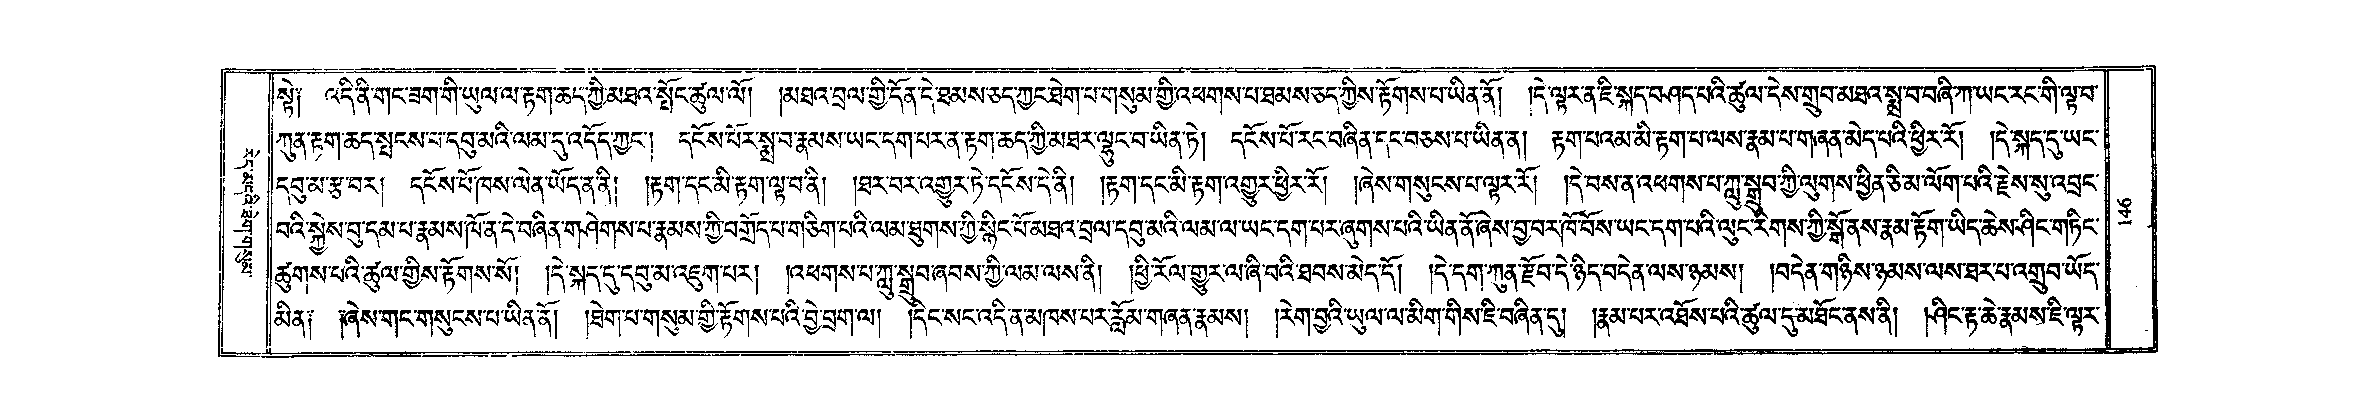སྟེ༑ འདི་ནི་གང་ཟག་གི་ཡུལ་ལ་རྟག་ཆད་ཀྱི་མཐའ་སྤོང་ཚུལ་ལོ། །མཐའ་བྲལ་གྱི་དོན་དེ་ཐམས་ཅད་ཀྱང་ཐེག་པ་གསུམ་གྱི་འཕགས་པ་ཐམས་ཅད་ཀྱིས་རྟོགས་པ་ཡིན་ནོ། །དེ་ལྟར་ན་ཇི་སྐད་བཤད་པའི་ཚུལ་དེས་གྲུབ་མཐའ་སྨྲ་བ་བཞི་ཀ་ཡང་རང་གི་ལྟ་བ་
ཀུན་རྟག་ཆད་སྤངས་པ་དབུ་མའི་ལམ་དུ་འདོད་ཀྱང་། དངོས་པོར་སྨྲ་བ་རྣམས་ཡང་དག་པར་ན་རྟག་ཆད་ཀྱི་མཐར་ལྷུང་བ་ཡིན་ཏེ། དངོས་པོ་རང་བཞིན་དང་བཅས་པ་ཡིན་ན། རྟག་པའམ་མི་རྟག་པ་ལས་རྣམ་པ་གཞན་མེད་པའི་ཕྱིར་རོ། །དེ་སྐད་དུ་ཡང་
དབུ་མ་རྩ་བར། དངོས་པོ་ཁས་ལེན་ཡོད་ན་ནི། །རྟག་དང་མི་རྟག་ལྟ་བ་ནི། །ཐར་བར་འགྱུར་ཏེ་དངོས་དེ་ནི། །རྟག་དང་མི་རྟག་འགྱུར་ཕྱིར་རོ། །ཞེས་གསུངས་པ་ལྟར་རོ། །དེ་བས་ན་འཕགས་པ་ཀླུ་སྒྲུབ་ཀྱི་ལུགས་ཕྱིན་ཅི་མ་ལོག་པའི་རྗེས་སུ་འབྲང་
བའི་སྐྱེས་བུ་དམ་པ་རྣམས་ཁོ་ན་དེ་བཞིན་གཤེགས་པ་རྣམས་ཀྱི་བགྲོད་པ་གཅིག་པའི་ལམ་ཐུགས་ཀྱི་སྙིང་པོ་མཐའ་བྲལ་དབུ་མའི་ལམ་ལ་ཡང་དག་པར་ཞུགས་པའི་ཡིན་ནོ་ཞེས་བྱ་བར་ཁོ་བོས་ཡང་དག་པའི་ལུང་རིགས་ཀྱི་སྒོ་ནས་རྣམ་རྟོག་ཡིད་ཆེས་ཤིང་གཏིང་
ཚུགས་པའི་ཚུལ་གྱིས་རྟོགས་སོ། །དེ་སྐད་དུ་དབུ་མ་འཇུག་པར། །འཕགས་པ་ཀླུ་སྒྲུབ་ཞབས་ཀྱི་ལམ་ལས་ནི། །ཕྱི་རོལ་གྱུར་ལ་ཞི་བའི་ཐབས་མེད་དོ། །དེ་དག་ཀུན་རྫོབ་དེ་ཉིད་བདེན་ལས་ཉམས། །བདེན་གཉིས་ཉམས་ལས་ཐར་པ་འགྲུབ་ཡོད་
མིན༑ ༑ཞེས་གང་གསུངས་པ་ཡིན་ནོ། །ཐེག་པ་གསུམ་གྱི་རྟོགས་པའི་བྱེ་བྲག་ལ། །དེང་སང་འདི་ན་མཁས་པར་རློམ་གཞན་རྣམས། །རེག་བྱའི་ཡུལ་ལ་མིག་གིས་ཇི་བཞིན་དུ། །རྣམ་པར་འཐོས་པའི་ཚུལ་དུ་མཐོང་ནས་ནི། །ཤིང་རྟ་ཆེ་རྣམས་ཇི་ལྟར་